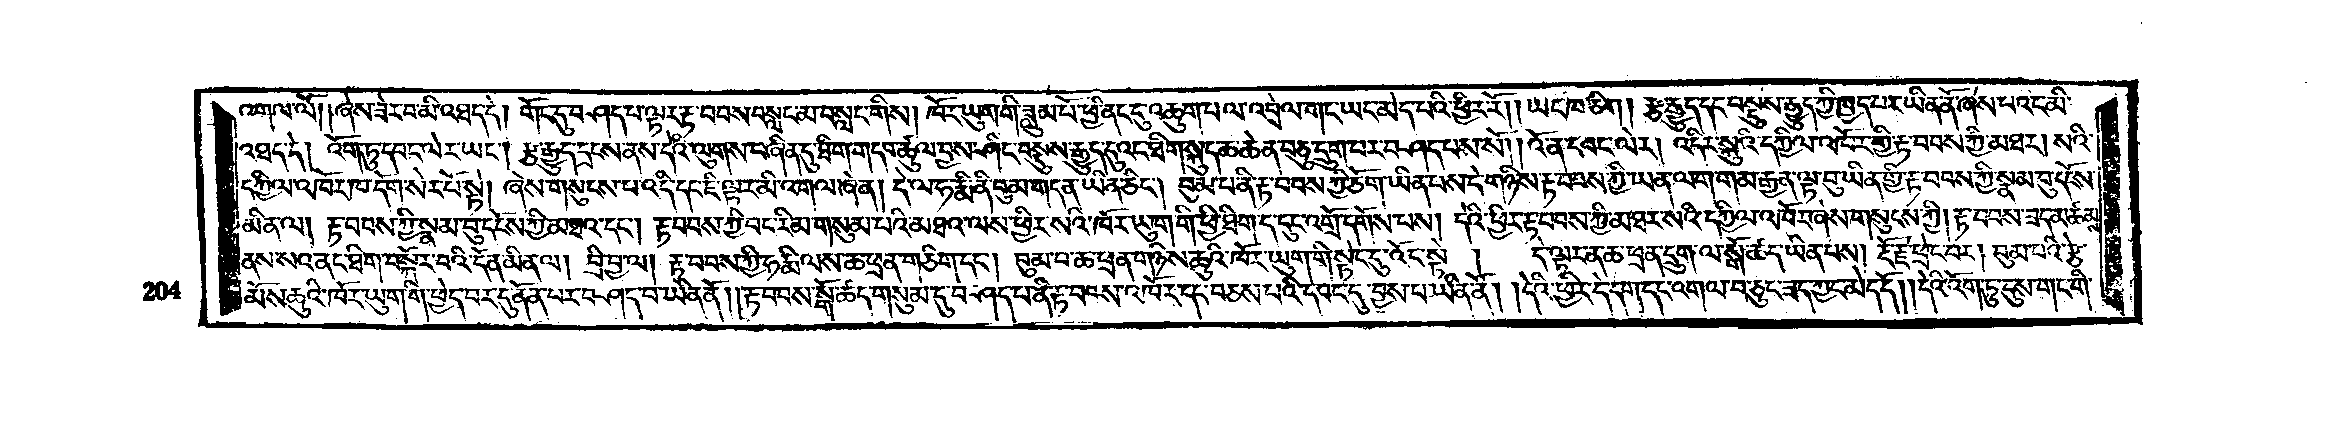འགལ་ལོ། །ཞེས་ཟེར་བ་མི་འཐད་དེ། གོང་དུ་བཤད་པ་ལྟར་རྟ་བབས་བསླང་མ་བསླང་གིས། ཁོར་ཡུག་གི་ཟླུམ་པོ་ཕྱི་ནང་དུ་འཚུག་པ་ལ་འབྲེལ་གང་ཡང་མེད་པའི་ཕྱིར་རོ། །ཡང་ཁ་ཅིག །རྩ་རྒྱུད་དང་བསྡུས་རྒྱུད་ཀྱི་ཁྱད་པར་ཡིན་ནོ་ཞེས་པའང་མི་
འཐད་དེ། འོག་ཏུ་དབང་ལེར་ཡང་། རྩ་རྒྱུད་དྲངས་ནས་དེའི་ལུགས་བཞིན་དུ་ཐིག་གདབ་ཚུལ་བྱས་ཤིང་བསྡུས་རྒྱུད་དུའང་ཐིག་སྐུད་ཆ་ཆེན་བཅུ་དྲུག་པར་བཤད་པས་སོ། །འོ་ན་དབང་ལེར། འདིར་སྐུའི་དཀྱིལ་འཁོར་གྱི་རྟ་བབས་ཀྱི་མཐར། སའི་
དཀྱིལ་འཁོར་ཁ་དོག་སེར་པོ་སྟེ། ཞེས་གསུངས་པ་འདི་དང་ཇི་ལྟར་མི་འགལ་ཞེ་ན། དེ་ལ་ཧ་རྨི་ནི་བུམ་གདན་ཡིན་ཅིང་། བུམ་པ་ནི་རྟ་བབས་ཀྱི་ཅོག་ཡིན་པས་དེ་གཉིས་རྟ་བབས་ཀྱི་ཡན་ལག་གམ་བརྒྱན་ལྟ་བུ་ཡིན་གྱི་རྟ་བབས་ཀྱི་སྣམ་བུ་དངོས་
མིན་ལ། རྟ་བབས་ཀྱི་སྣམ་བུ་དངོས་ཀྱི་མཐའ་དང་། རྟ་བབས་ཀྱི་བར་རིམ་གསུམ་པའི་མཐའ་ལས་ཕྱིར་སའི་ཁོར་ཡུག་གི་ཕྱི་ཐིག་ད་དུང་འགྲོ་དགོས་པས། དེའི་ཕྱིར་རྟ་བབས་ཀྱི་མཐར་སའི་དཀྱིལ་འཁོར་ཞེས་གསུངས་ཀྱི། རྟ་བབས་ཟད་མཚམས་
ནས་སའི་ནང་ཐིག་བསྐོར་བའི་དོན་མིན་ལ། བྲི་བྱ་ལ། རྟ་བབས་ཀྱི་ཧ་རྨི་ལས་ཆ་ཕྲན་གཅིག་དང་། བུམ་པ་ཆ་ཕྲན་གཉིས་ཆུའི་ཁོར་ཡུག་གི་སྟེང་དུ་འོང་སྟེ། དེ་ལྟར་ན་ཆ་ཕྲན་དྲུག་ལ་སྒོ་ཚད་ཡིན་པས། རྡོ་རྗེ་ཕྲེང་བར། བུམ་པའི་རྩེ་
མོས་ཆུའི་ཁོར་ཡུག་གི་ཕྱེད་བར་དུ་ནོན་པར་བཤད་པ་ཡིན་ནོ། །རྟ་བབས་སྒོ་ཚད་གསུམ་དུ་བཤད་པ་ནི་རྟ་བབས་འཁོར་དང་བཅས་པའི་དབང་དུ་བྱིས་པ་ཡིན་ནོ། །དེའི་ཕྱིར་དེ་དག་དང་འགལ་བ་ཅུང་ཟད་ཀྱང་མེད་དོ། །དེའི་འོག་ཏུ་དུས་གང་གི་